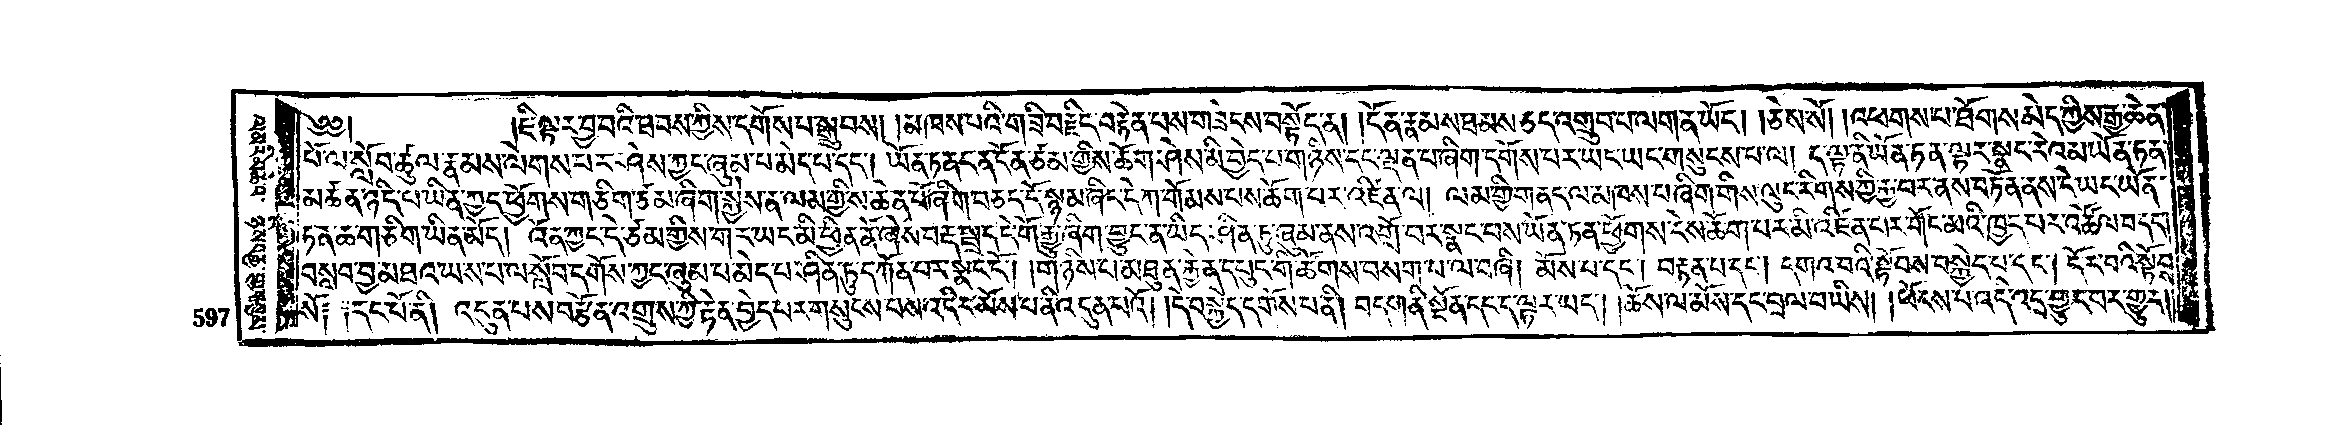༄༅། །ཇི་ལྟར་བྱ་བའི་ཐབས་ཀྱིས་དགོས་པ་སྒྲུབས། །མཁས་པའི་གཟི་བརྗིད་བརྟན་པས་གཟེངས་བསྟོད་ན། །དོན་རྣམས་ཐམས་ཅད་འགྲུབ་པ་ལག་ན་ཡོད། །ཅེས་སོ། །འཕགས་པ་ཐོགས་མེད་ཀྱིས་རྒྱ་ཆེན་
པོ་ལ་སློབ་ཚུལ་རྣམས་ལེགས་པར་ཤེས་ཀྱང་ཞུམ་པ་མེད་པ་དང་། ཡོན་ཏན་ངན་ངོན་ཙམ་གྱིས་ཆོག་ཤེས་མི་བྱེད་པ་གཉིས་དང་ལྡན་པ་ཞིག་དགོས་པར་ཡང་ཡང་གསུངས་པ་ལ། ད་ལྟ་ནི་ཡོན་ཏན་ལྟར་སྣང་རེའམ་ཡོན་ཏན་
མཚན་ཉིད་པ་ཡིན་ཀྱང་ཕྱོགས་གཅིག་ཙམ་ཞིག་སྐྱེས་ན་ལམ་གྱི་ས་ཆེན་པོ་ཞིག་བཅད་དོ་སྙམ་ཞིང་དེ་ཀ་གོམས་པས་ཆོག་པར་འཛིན་ལ། ལམ་གྱི་གནད་ལ་མཁས་པ་ཞིག་གིས་ལུང་རིགས་ཀྱི་རྐྱ་བར་ནས་བཏོན་ནས་དེ་ཡང་ཡོན་
ཏན་ཆ་གཅིག་ཡིན་མོད། འོན་ཀྱང་དེ་ཙམ་གྱིས་གར་ཡང་མི་ཕྱིན་ནོ་ཞེས་བརྡ་སྤྲད་དེ་གོ་རྒྱུ་ཞིག་བྱུང་ན་ཡིད་ཤིན་ཏུ་ཞུམ་ནས་འགྲོ་བར་སྣང་བས་ཡོན་ཏན་ཕྱོགས་རེས་ཆོག་པར་མི་འཛིན་པར་གོང་མའི་ཁྱད་པར་འཚོལ་བ་དང་།
བསླབ་བྱ་མཐའ་ཡས་པ་ལ་སློབ་དགོས་ཀྱང་ཞུམ་པ་མེད་པ་ཤིན་ཏུ་དཀོན་པར་སྣང་ངོ། །གཉིས་པ་མཐུན་རྐྱེན་དཔུང་གི་ཚོགས་བསག་པ་ལ་བཞི། མོས་པ་དང་། བརྟན་པ་དང་། དགའ་བའི་སྟོབས་བསྐྱེད་པ་དང་། དོར་བའི་སྟོབས་
སོ༑ ༑དང་པོ་ནི། འདུན་པས་བརྩོན་འགྲུས་ཀྱི་རྟེན་བྱེད་པར་གསུངས་པས་འདིར་མོས་པ་ནི་འདུན་པའོ། །དེ་བསྐྱེད་དགོས་པ་ནི། བདག་ནི་སྔོན་དང་ད་ལྟར་ཡང་། །ཆོས་ལ་མོས་དང་བྲལ་བ་ཡིས། །ཕོངས་པ་འདི་འདྲ་བྱུང་བར་གྱུར།།